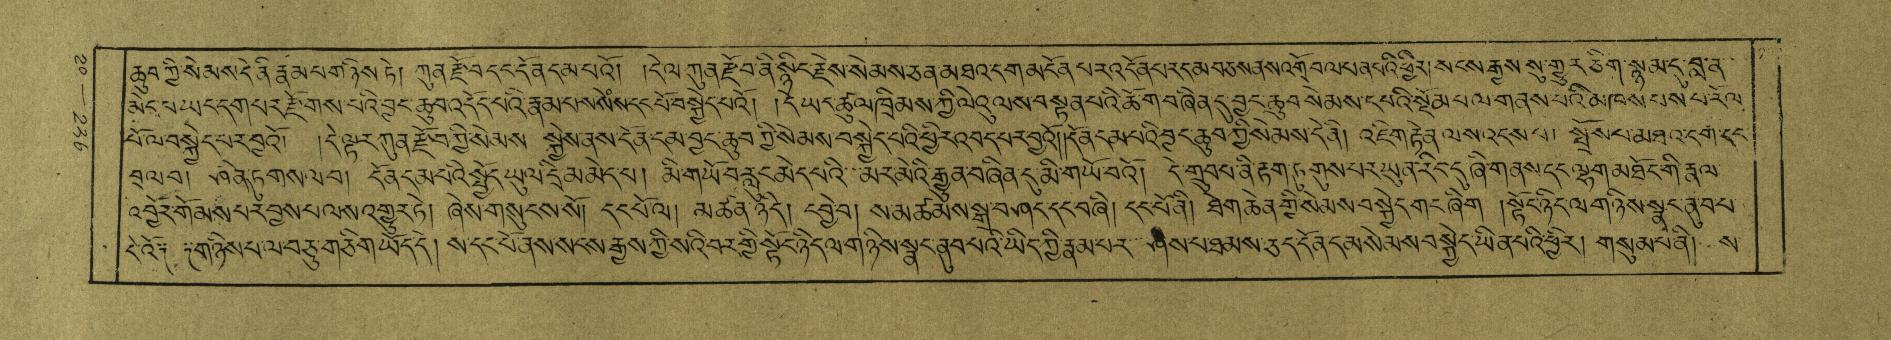ཆུབ་ཀྱི་སེམས་དེ་ནི་རྣམ་པ་གཉིས་ཏེ། ཀུན་རྫོབ་དང་དོན་དམ་པའོ། །དེ་ལ་ཀུན་རྫོབ་ནི་སྙིང་རྗེས་སེམས་ཅན་མཐའ་དག་མངོན་པར་འདོན་པར་དམ་བཅས་ནས་འགྲོ་བ་ལ་ཕན་པའི་ཕྱིར། སངས་རྒྱས་སུ་གྱུར་ཅིག་སྙམ་དུ་བླ་ན་
མེད་པ་ཡང་དག་པར་རྫོགས་པའི་བྱང་ཆུབ་འདོད་པའི་རྣམ་པས་སེཾས་དང་པོ་བསྐྱེད་པའོ། །དེ་ཡང་ཚུལ་ཁྲིམས་ཀྱི་ལེའུ་ལས་བསྟན་པའི་ཆོ་ག་བཞིན་དུ་བྱང་ཆུབ་སེམས་དཔའི་སྡོམ་པ་ལ་གནས་པའི་མཁས་པས་ཕ་རོལ་
པོ་ལ་བསྐྱེད་པར་བྱའོ། །དེ་ལྟར་ཀུན་རྫོབ་ཀྱི་སེམས་སྐྱེས་ནས་དོན་དམ་བྱང་ཆུབ་ཀྱི་སེམས་བསྐྱེད་པའི་ཕྱིར་འབད་པར་བྱའོ། །དོན་དམ་པའི་བྱང་ཆུབ་ཀྱི་སེམས་དེ་ནི། འཇིག་རྟེན་ལས་འདས་པ། སྤྲོས་པ་མཐའ་དག་དང་
བྲལ་བ། ཤིན་ཏུ་གསལ་བ། དོན་དམ་པའི་སྤྱོད་ཡུལ་དྲི་མ་མེད་པ། མི་གཡོ་བ་རླུང་མེད་པའི་མར་མེའི་རྒྱུན་བཞིན་དུ་མི་གཡོ་བའོ། དེ་གྲུབ་པ་ནི་རྟག་ཏུ་གུས་པར་ཡུན་རིང་དུ་ཞི་གནས་དང་ལྷག་མཐོང་གི་རྣལ་
འབྱོར་གོམས་པར་བྱས་པ་ལས་འགྱུར་ཏེ། ཞེས་གསུངས་སོ། དང་པོ་ལ། མཚན་ཉིད། དབྱེ་བ། ས་མཚམས་སྒྲ་བཤད་དང་བཞི། དང་པོ་ནི། ཐེག་ཆེན་གྱི་སེམས་བསྐྱེད་གང་ཞིག །སྟོང་ཉིད་ལ་གཉིས་སྣང་ནུབ་པ་
དེའོ༑ ༑གཉིས་པ་ལ་བཅུ་གཅིག་ཡོད་དེ། ས་དང་པོ་ནས་སངས་རྒྱས་ཀྱི་སའི་བར་གྱི་སྟོང་ཉིད་ལ་གཉིས་སྣང་ནུབ་པའི་ཡིད་ཀྱི་རྣམ་པར་ཤེས་པ་ཐམས་ཅད་དོན་དམ་སེམས་བསྐྱེད་ཡིན་པའི་ཕྱིར། གསུམ་པ་ནི། ས་